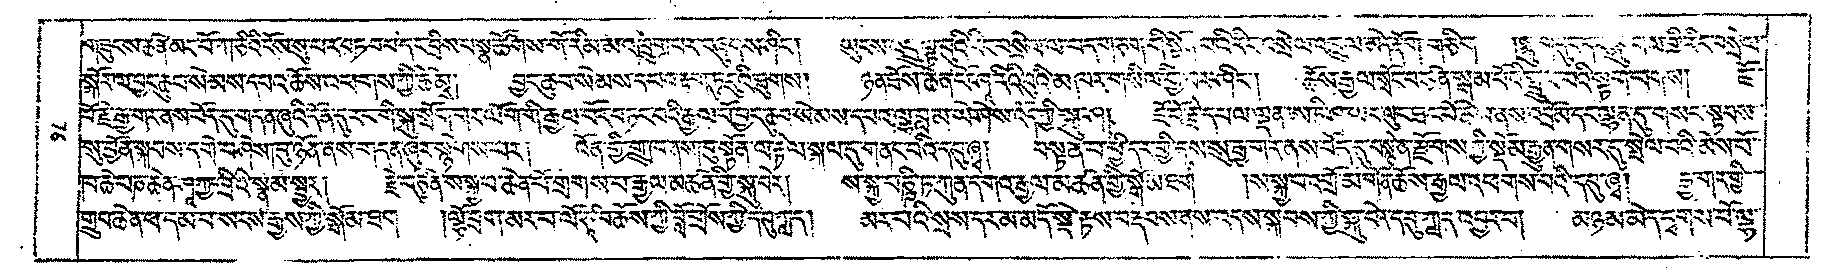གཟུངས་ཚན་མང་པོ་ཀ་ཅིའི་ངོས་སུ་པར་བཏབ་པ་དང་བྲིས་པ་སྣ་ཚོགས་གོ་རིམ་མ་འཁྲུགས་པར་བཞུགས་ཤིང་། ཡུངས་འབྲུ་ལྟ་བུའི་རིང་བསྲེལ་ལ་བདག་ཅག་གི་སྟོན་པའི་རིང་བསྲེལ་འཁྲུལ་མེད་རྡོག་གཅིག །སྐུ་གདུང་དང་སྐུ་བལ་གྱི་རིང་བསྲེལ་
སྐོར་ལ་བྱང་ཆུབ་སེམས་དཔའ་ཆོས་འཕགས་ཀྱི་ཚེམས། བྱང་ཆུབ་སེམས་དཔའ་རྟག་ཏུ་ངུའི་ཐུགས། ཉན་ཐོས་ཆེན་པོ་ཤཱ་རིའི་བུའི་མཁར་གསིལ་གྱི་བར་ཤིང་། ཆོས་རྒྱལ་སྲོང་བཙན་སྒམ་པོའི་སྤྲུལ་པའི་སྟག་པགས། ཇོ་
བོ་རྗེ་རྒྱ་གར་ནས་བོད་དུ་གདན་ཞུའི་དོན་དུ་རང་གི་སྐུ་སྲོག་གར་ལོག་གི་རྒྱལ་པོར་བཏང་བའི་རྒྱལ་པོ་བྱང་ཆུབ་སེམས་དཔའ་ལྷ་བླ་མ་ཡེ་ཤེས་འོད་ཀྱི་སྐུ་ཤ། ཇོ་བོ་རྗེ་དཔལ་ལྡན་ཨ་ཏི་ཤ་ཡར་ལུང་ཐང་པོ་ཆེས་ནས་འབྲོམ་དང་ལྷན་དུ་གསང་སྟབས་
སུ་བྱོན་སྐབས་དགེ་བཤེས་ཁུ་ཉོན་ནས་གདན་ཞུར་སྙེགས་པར། འོན་གྱི་གྲུ་ཁ་ནས་ཁུ་སྟོན་ལ་རྟེལ་སྐལ་དུ་གནང་བའི་དབུ་ཞྭ། བསྟན་པ་ཕྱི་དར་གྱི་དུས་སུ་རྒྱ་གར་ནས་བོད་དུ་བསྙེན་རྫོགས་ཀྱི་སྡོམ་རྒྱུན་གསར་དུ་སྤེལ་བའི་མེས་པོ་
ཁ་ཆེ་པཎ་ཆེན་ཤཱཀྱ་ཤྲིའི་སྣམ་སྦྱར། རྗེ་བཙུན་ས་སྐྱ་བ་ཆེན་པོ་གྲགས་པ་རྒྱལ་མཚན་གྱི་སྐུ་བེར། ས་སྐྱ་པཎྜི་ཏ་ཀུན་དགའ་རྒྱལ་མཚན་གྱི་སྒོམ་ཐག །ས་སྐྱ་པ་འགྲོ་མགོན་ཆོས་རྒྱལ་འཕགས་པའི་དབུ་ཞྭ། རྒྱ་གར་གྱི་
གྲུབ་ཆེན་ཕ་དམ་པ་སངས་རྒྱས་ཀྱི་སྒོམ་ཐག །ལྷོ་བྲག་མར་པ་ལོ་ཙཱ་བ་ཆོས་ཀྱི་བློ་གྲོས་ཀྱི་དབུ་ཀླད། མར་པའི་སྲས་དར་མ་མདོ་སྡེ་རྟས་བརྡབས་ནས་འདས་སྐབས་ཀྱི་སྐུ་བེར་དབུ་ཀླད་འབྱར་བ། མཉམ་མེད་དྭགས་པོ་ལྷ་